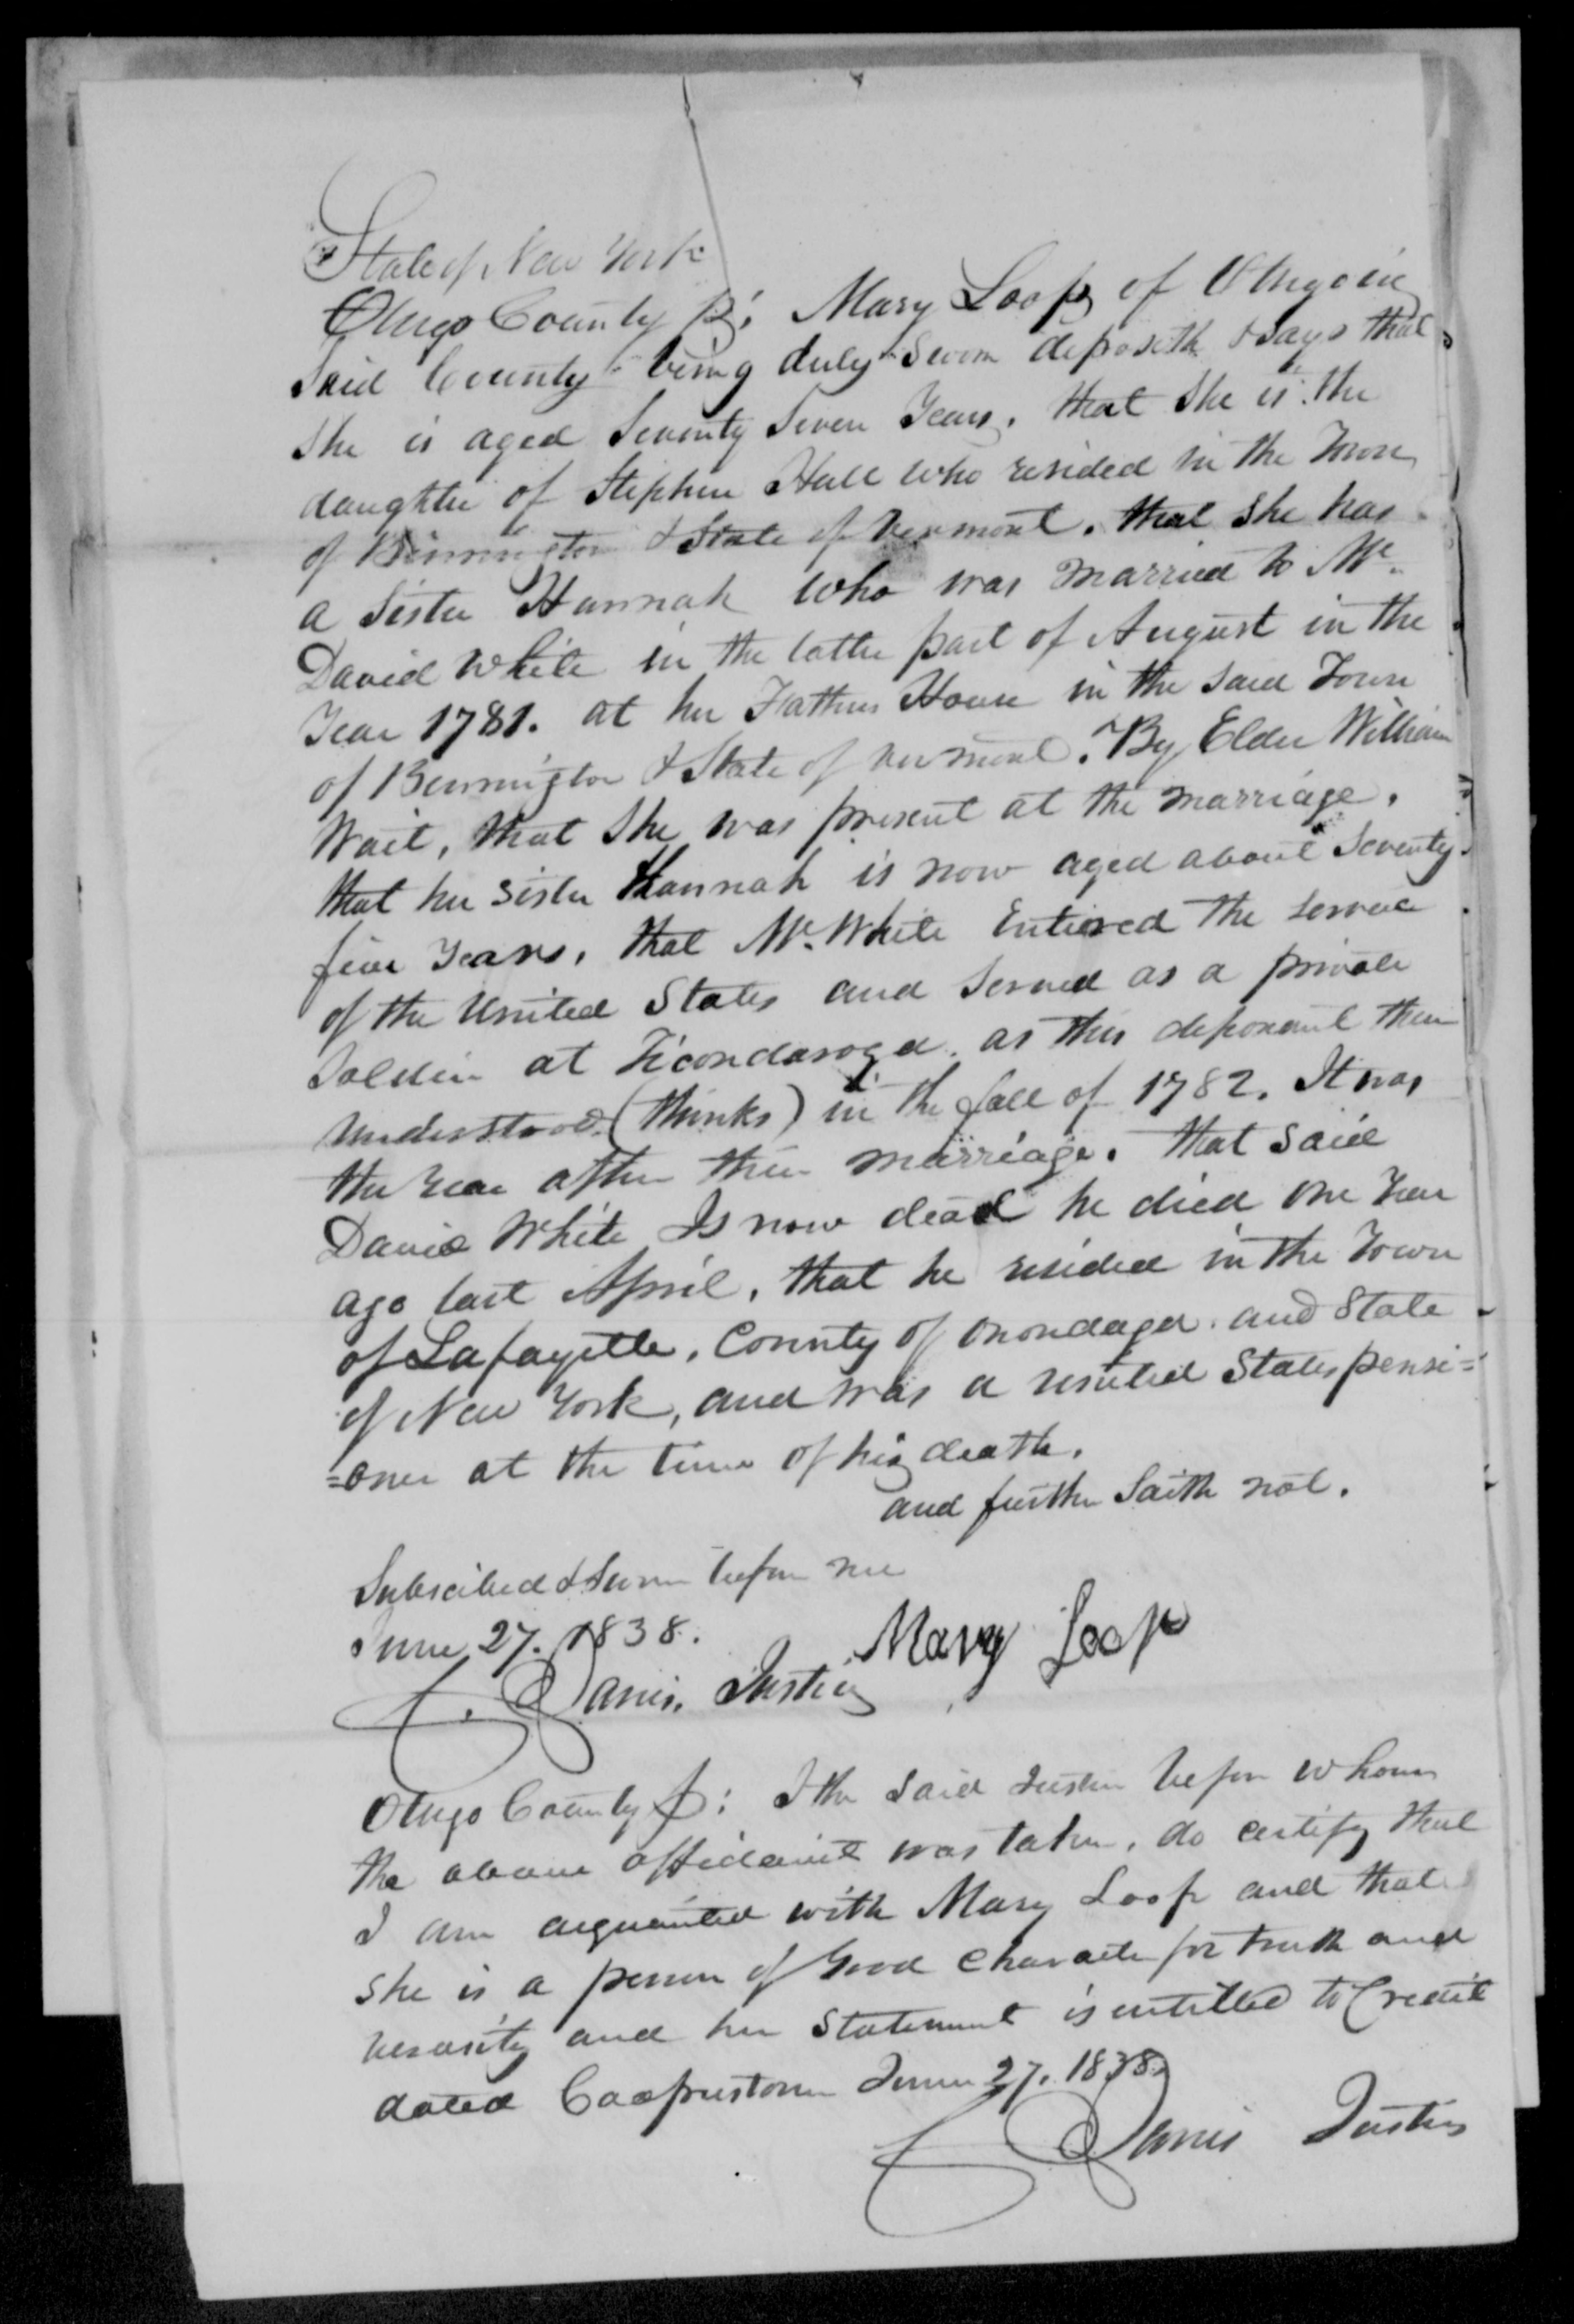State of New York
Onongo County B: Mary Loop of [] in Said County to being duly sworn deposeth & says that she is aged Seventy Seven Years. That she is the daughter of Stephen Hall who resided in the Town of Bennington & State of Vermont. That she has a Sister Hannah who was married to Mr. David White in the latter part of August in the year 1781 at her Father's House in the said Town of Bennington & State of Vermont by Elder William Wait, that she was present at the marriage. That her sister Hannah is now aged about Seventy five years, that Mr. White Entered the Service of the United States and served as a private soldier at Ticonderoga, as this deponant then understood (thinks) in the fall of 1782. It was the year after their marriage. That said David White is now dead he died one year ago last April. That he resided in the Town of Lafayette, County of Onondaga and State of New York, and was a United States pensioner at the time of his death, and further saith not.

Mary Loop

Subscribed & sworn before me on May 27, 1838. 

C. Jarvis, Justice

Onongo. County J: I the said Justice before whom the above affidavit was taken, do certify that I am acquainted with Mary Loop and that she is a person of Good character for truth and veracity and her statement is entitled to Credit dated [] June 27, 1838

C Jarvis Justice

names: David White, William Wait, Hannah, Mary Loops, Mary Loop, C Jarvis, Stephen Hall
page: 16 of 63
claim: widow's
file: W. 18403, David White, Conn.